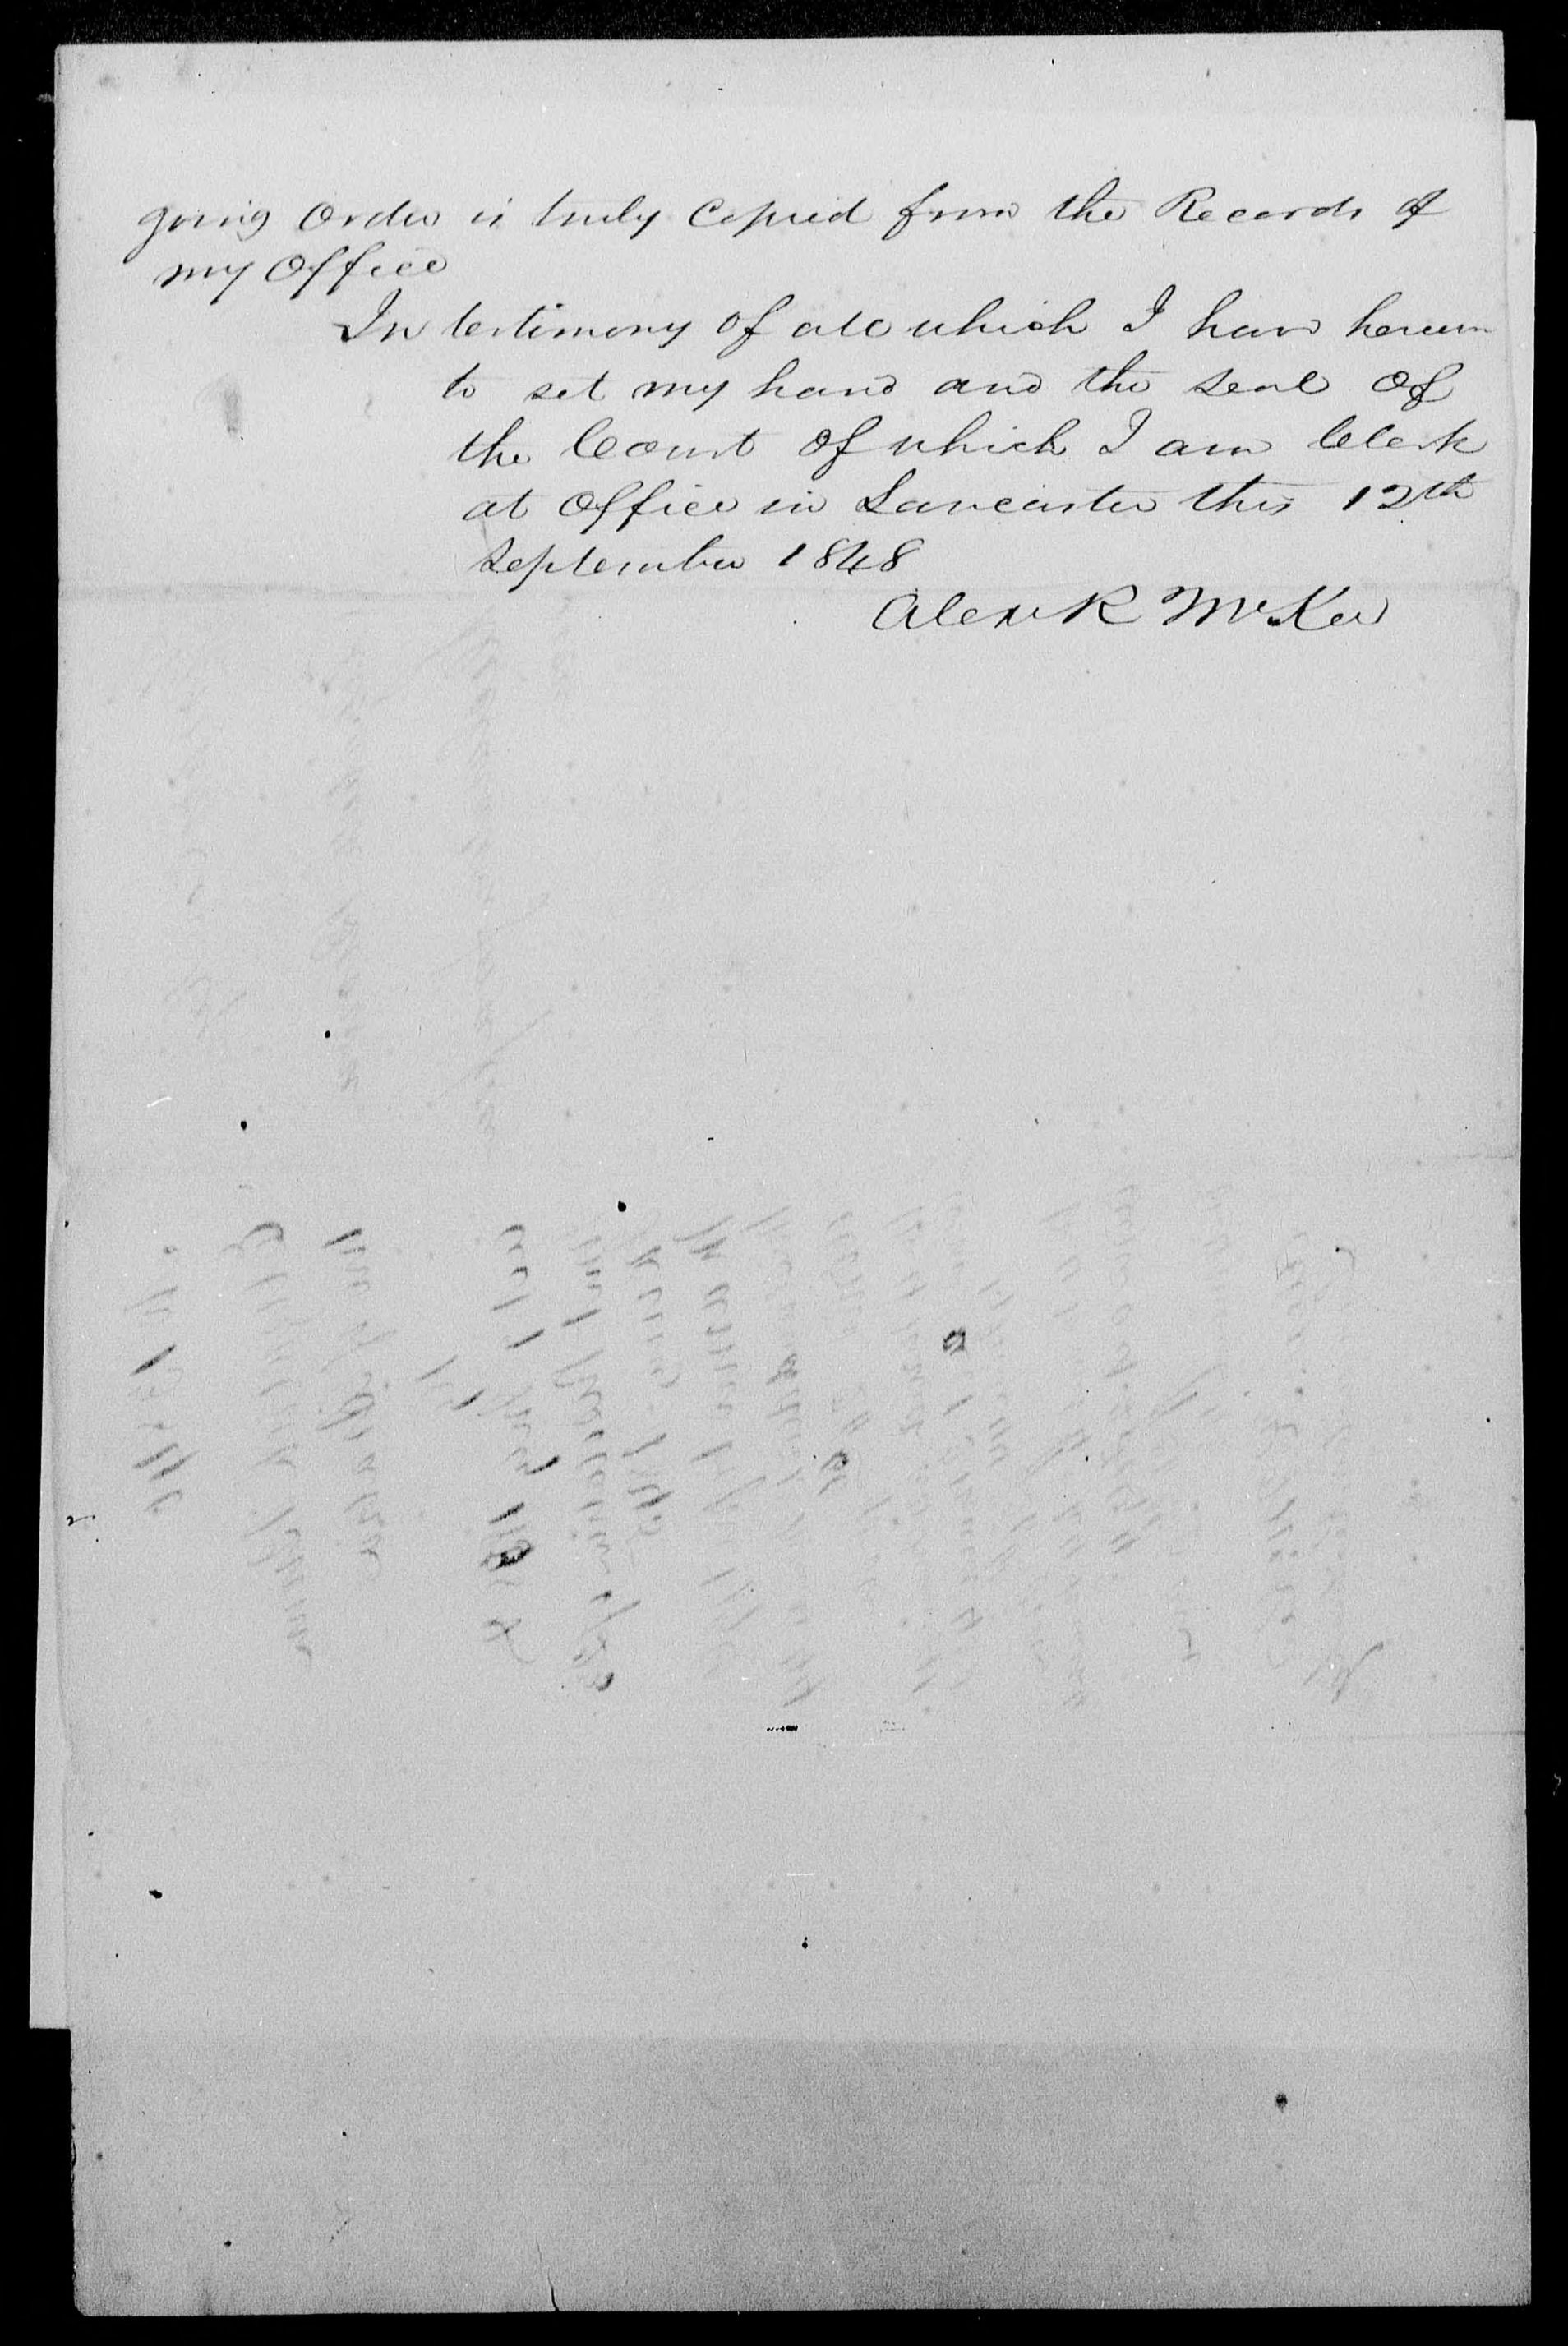going order is truly copied from the Records of
my Office
In testimony of all which I have herein
to set my hand and the seal of
the Court of which I am clerk
at Office in Lancaster this 12th
September 1848
Alex R McKee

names: Alexr R Mc Kee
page: 59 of 65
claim: widow's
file: W. 8384, Arabia Brown, Va.